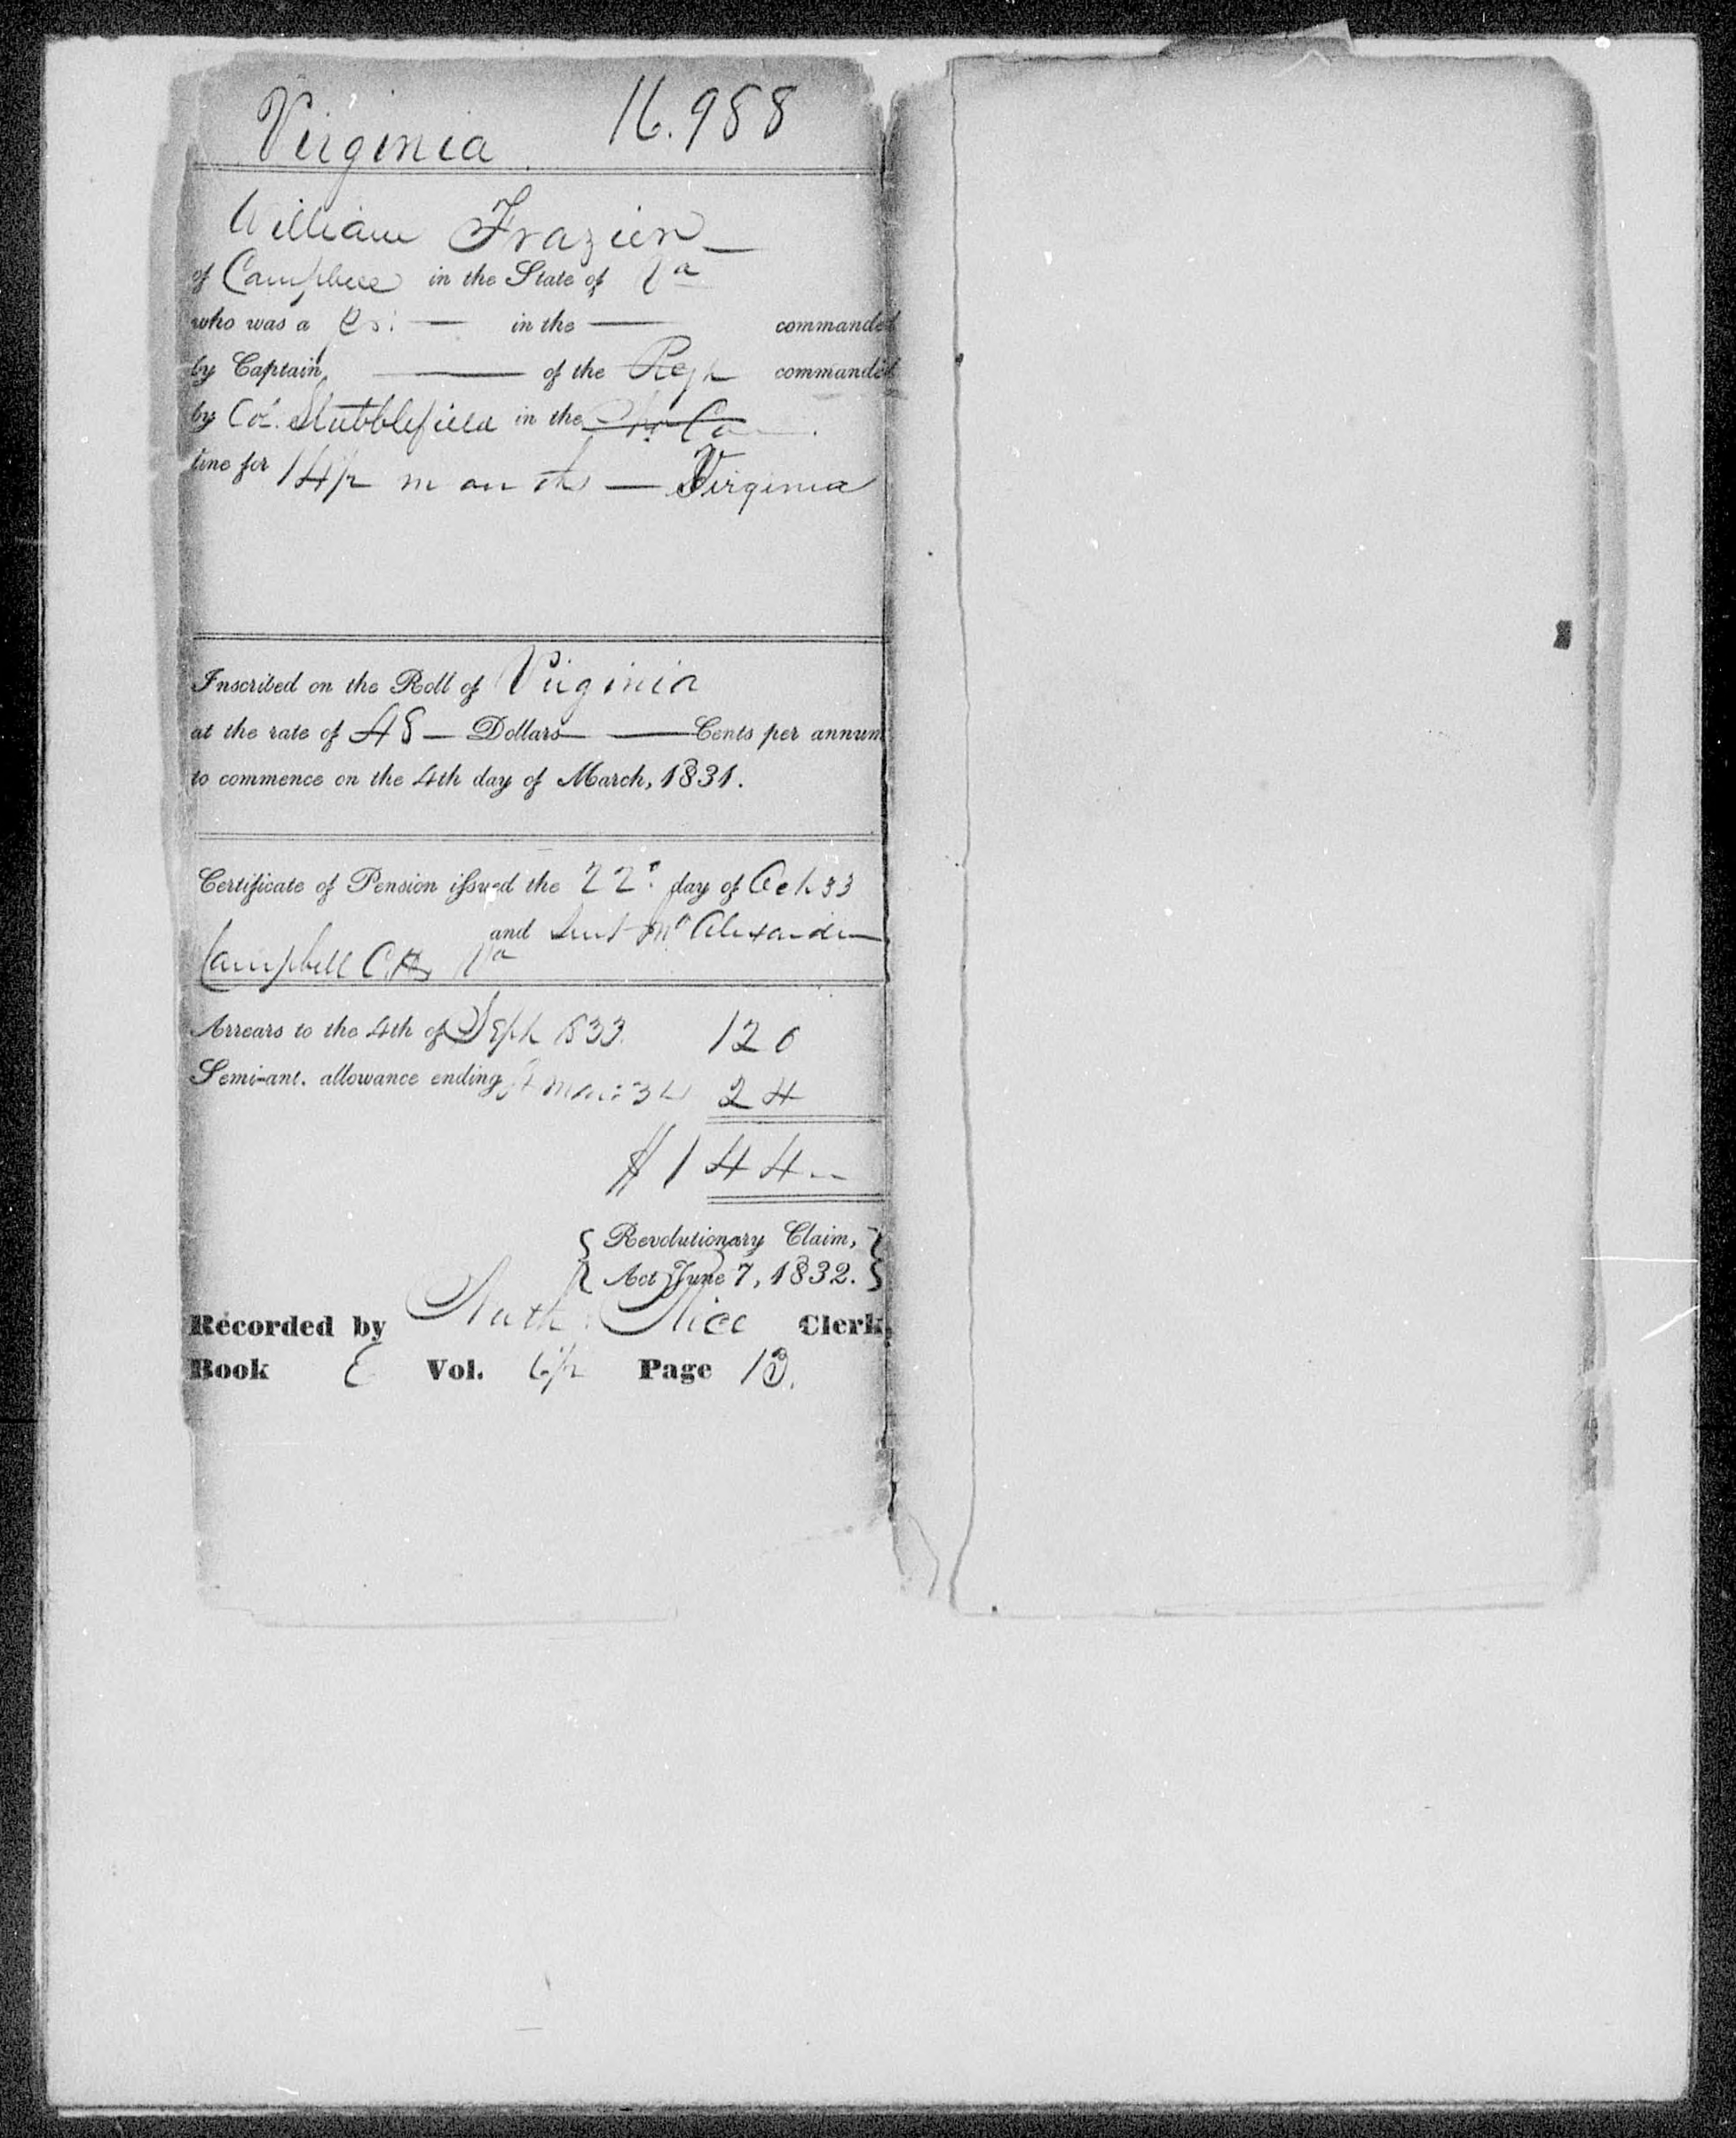Virginia 16.988 

William Frazier of Campbell in the State of Va who was a Col. in the [blank space] commanded by Captain [blank space] in the Reg commanded by Col. Stubblefield in the [illegible] line for 14 ½ months Virginia 

Inscribed on the Roll of Virginia at the rate of 48 Dollars [blank space] Cents per annum to commence on the 4th day of March, 1831.

Certificate of Pension issued the 22? day of Oct 1833 and Campbell C.S. Va and sent to Alexander 

Arrears to the 4th of Sept 1833 
Semi-ant. allowance ending [illegible] 
120
24
$144.—

{Revolutionary Claim, 
Act June 7, 1832.}

Recorded by Nath Rice Clerk, 
Book 8 Vol. 6 1/2 Page 13.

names: Stubblefield, William Frazier, Alexander Campbell, Nath Rice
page: 2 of 13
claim: survivor's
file: S. 17966, William Frazier, Va.